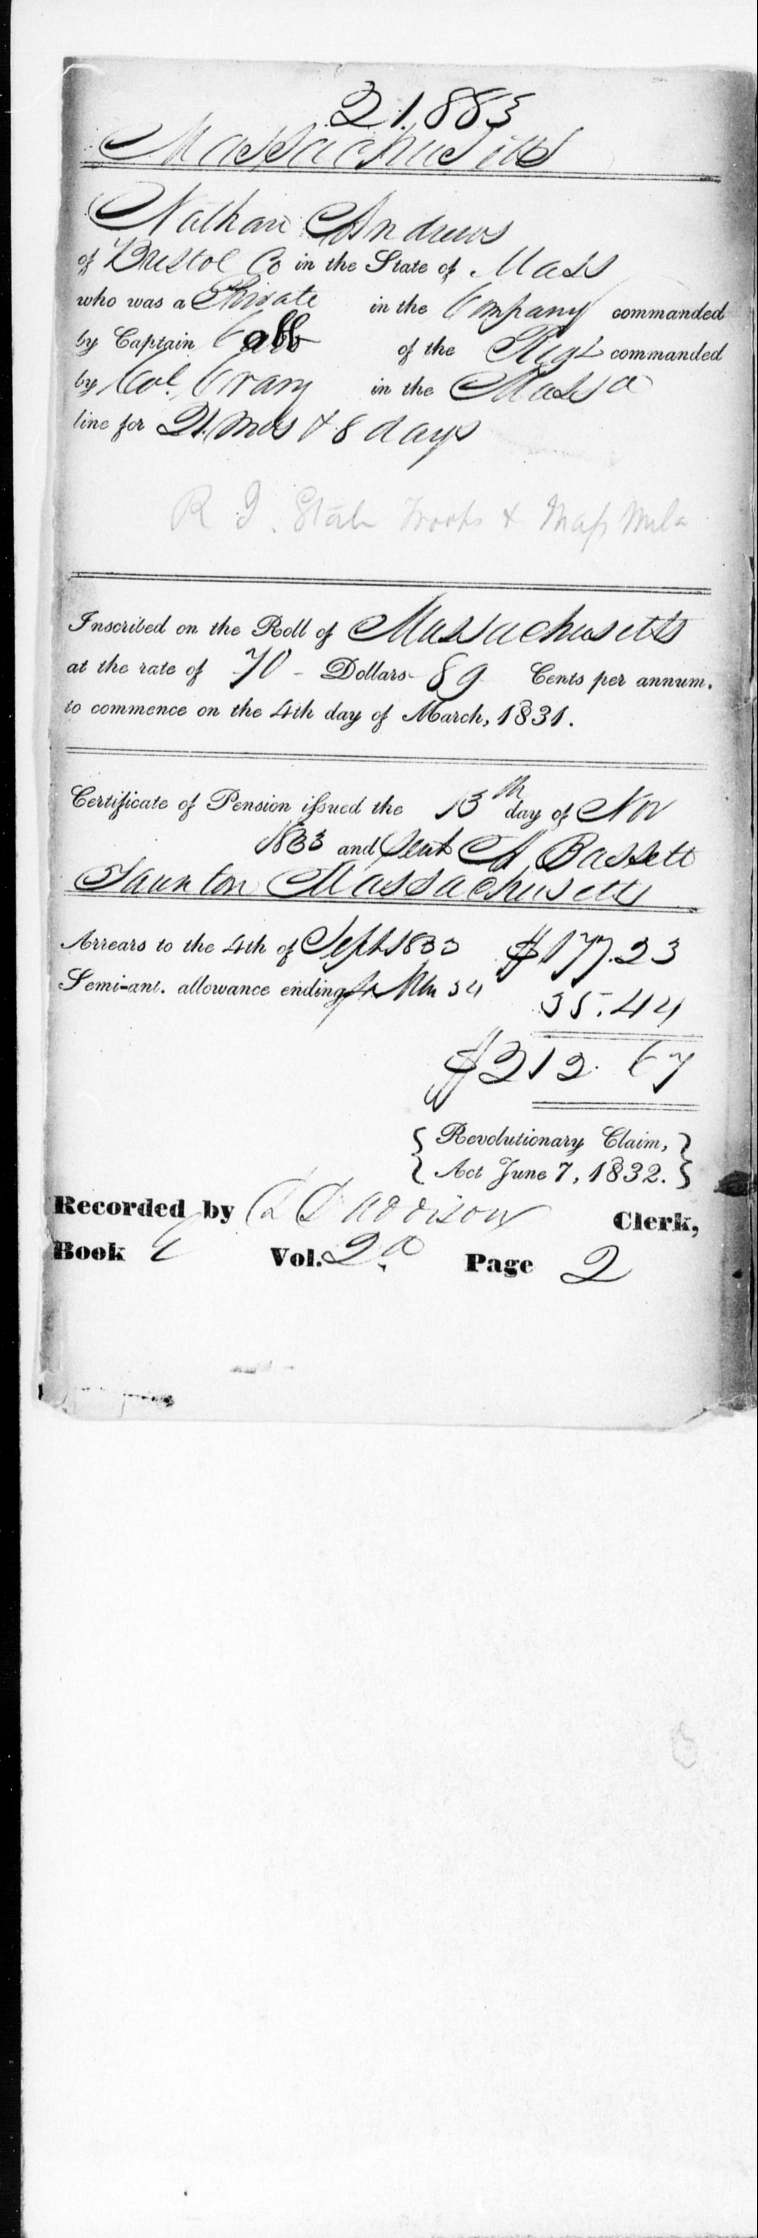21883
Massachusetts
Nathan Andrews
of Bristol Co in the State of Mass who was a Private in the Company commanded by Captain Cobb of the Regt commanded by Col Gray in the Massachusetts line for 21 mos & 8 days.
RI State Troops and Mass Mila
Inscribed on the roll of Massachusetts at the rate of 70 Dollars 89 cents per annum to commence on the 4th day of March 1831.
Certificate of Pension issued the 13th day of Nov 1833 and sent to A Bassett Taunton Masschusetts. Arrears to the 4th of Sept 1833 $177.23
Semi-Anl allownce ending [illegible] 35.44
$212.67
Revolutionary Claim, Act June 7, 1832
Recorded by DD Addison Clerk Book E Vol 20 Page 2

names: D D Addison, A Bassett, Nathan Andrews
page: 2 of 18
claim: survivor's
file: S. 29,590, Nathan Andrews, Mass R.I.